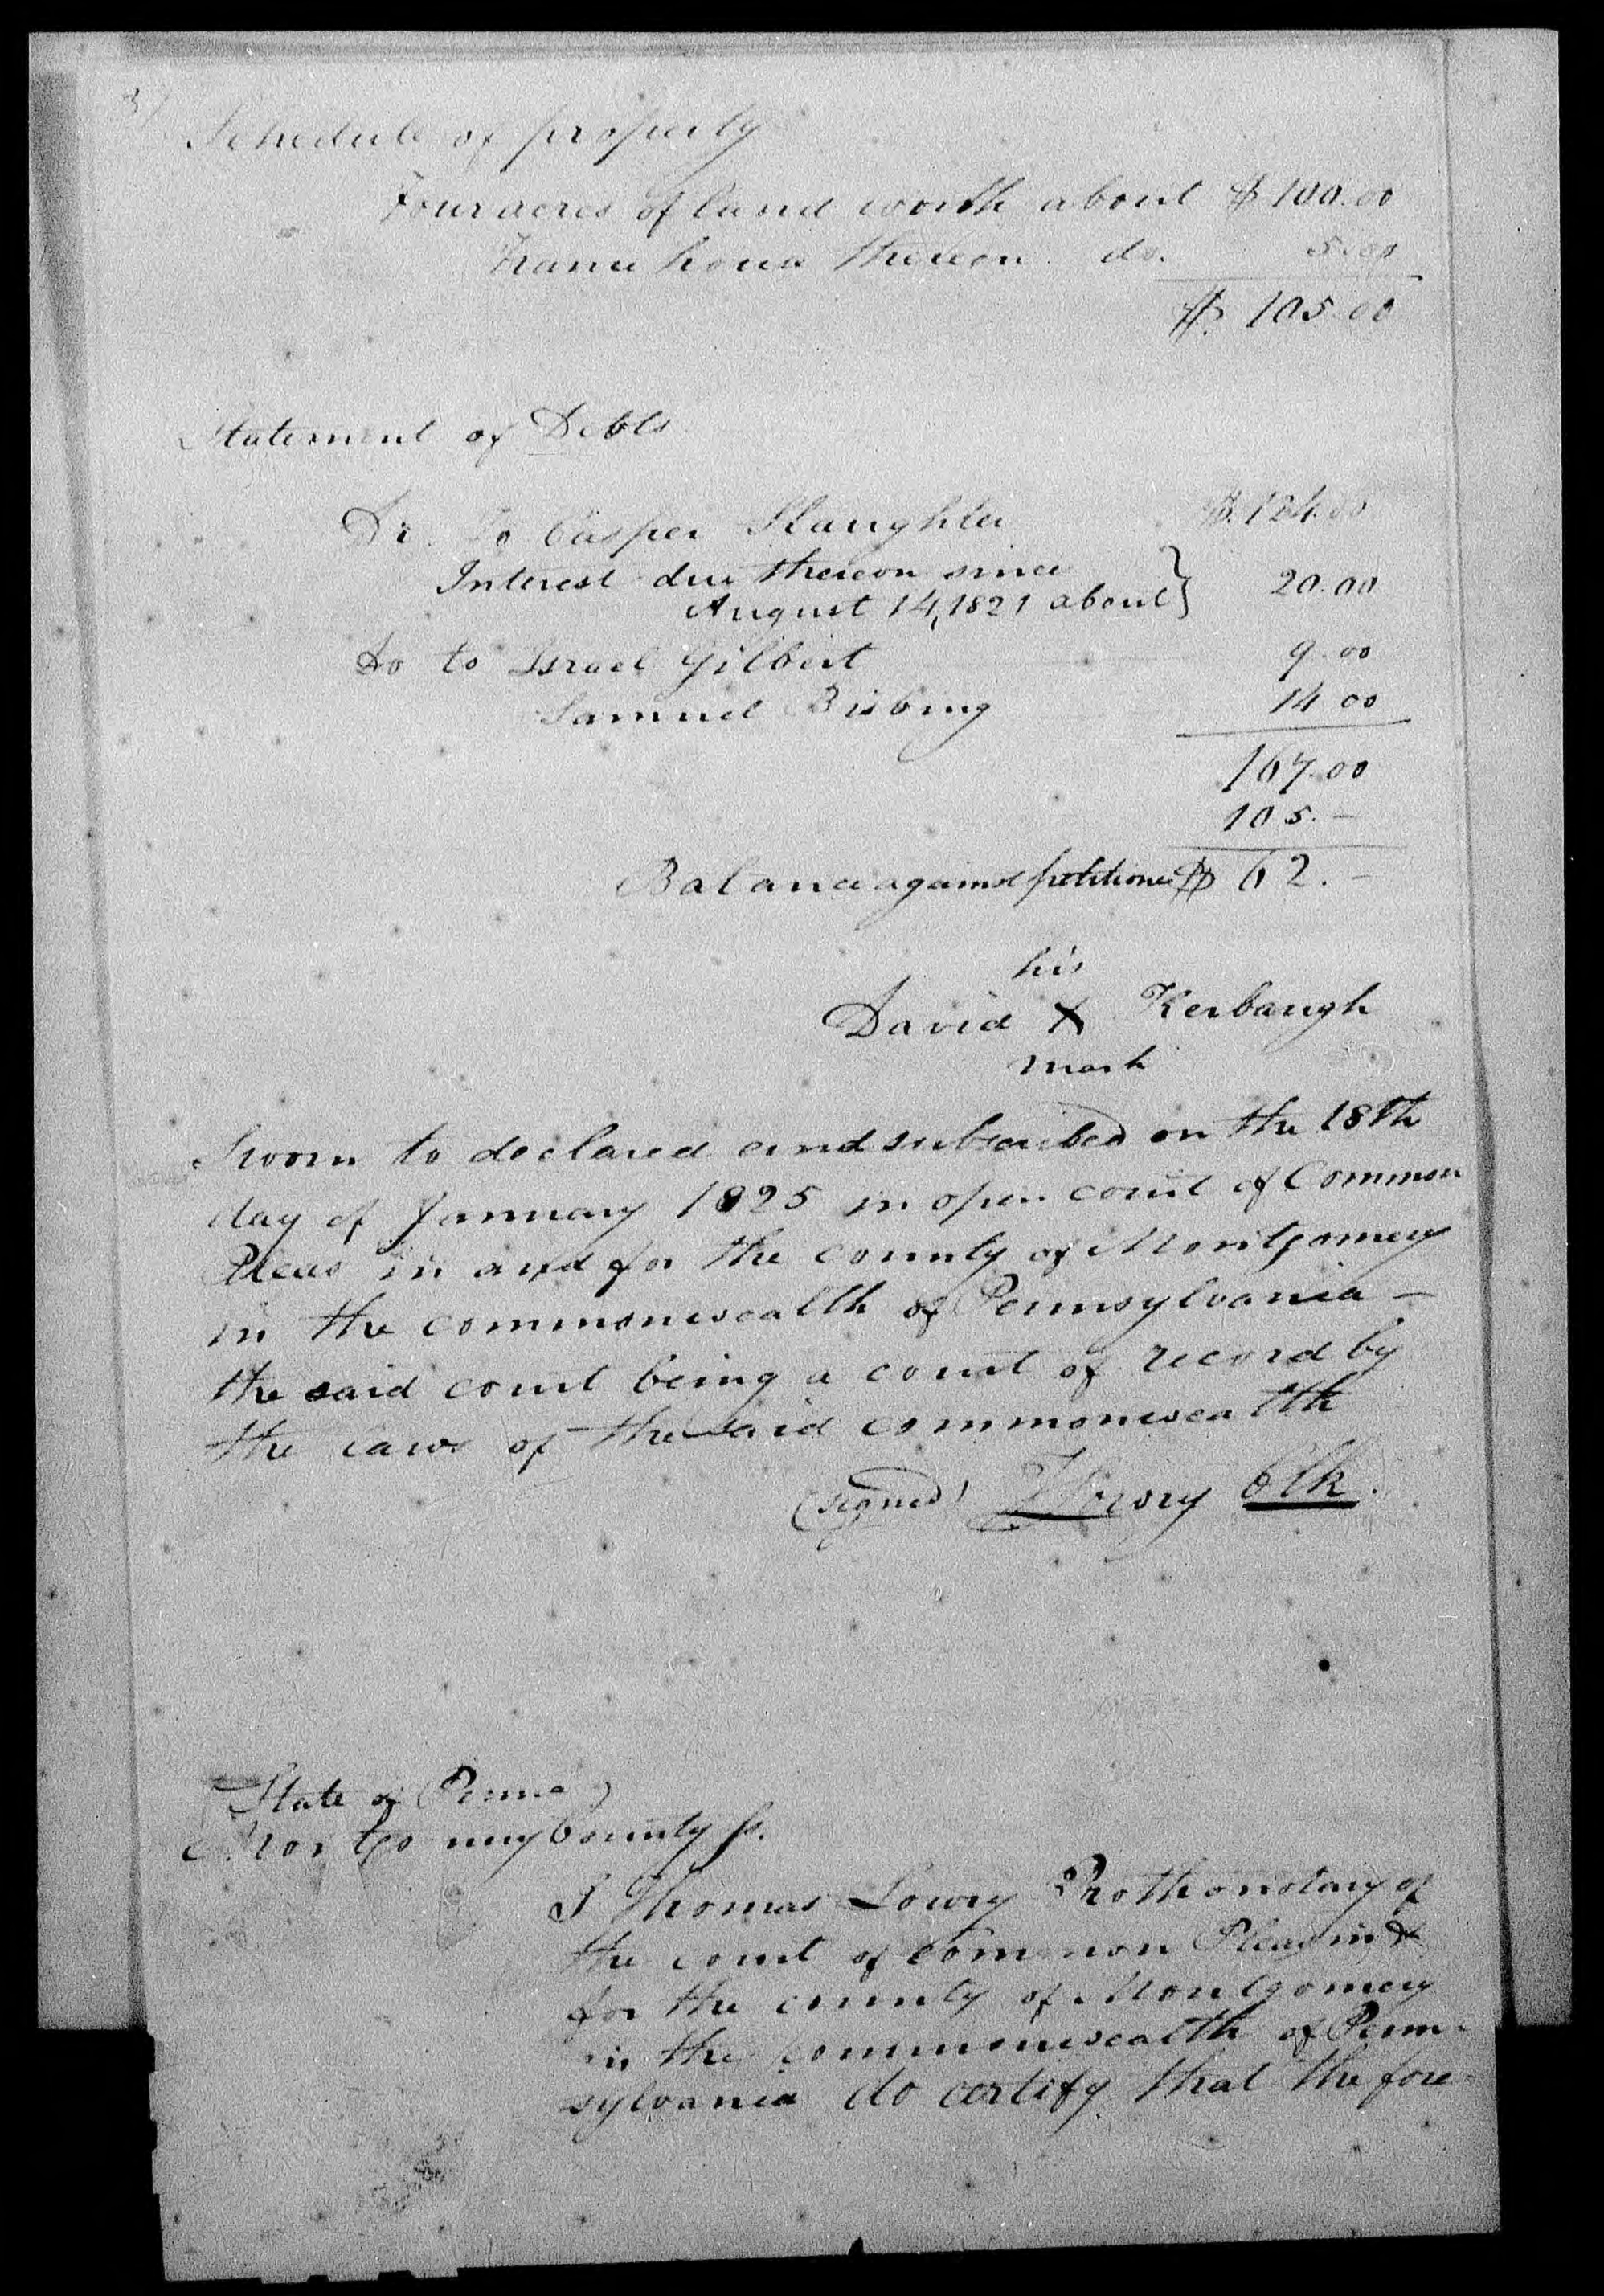3/ Schedule of Property

Four acres of land worth about      $100.00
Frame house thereon    "      "               5.00
                                                         ________
                                                          $105.00

Statement of Debts.                 

Do to Casper Slaughter                   $ 124.00
Interest due thereon since
August 13, 1821 about}                         20.00
Do to Israel Gilbert                                   9.00
Do to Samuel Bribing                              14.00
                                                            _________
                                                              167.00
                                                              105.00

                 Balance against petitioner      $62.00

                            David (his mark) Kerbaugh

Sworn to declared and subscribed on the 18th day of January 1825 in open court of Common Pleas in and for the county of Montgomery in the commonwealth of Pennsylvania the said court being a court of recorded by the laws of the said commonwealth.

                          (signed) T. Lowry   Clk.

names: Casper Slaughter; David Kerbaugh; Thomas Lowry; Israel Gilbert; Samuel Bisbing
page: 9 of 13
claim: survivor's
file: S. 39,800, for David Kerbaugh, Pennsylvania